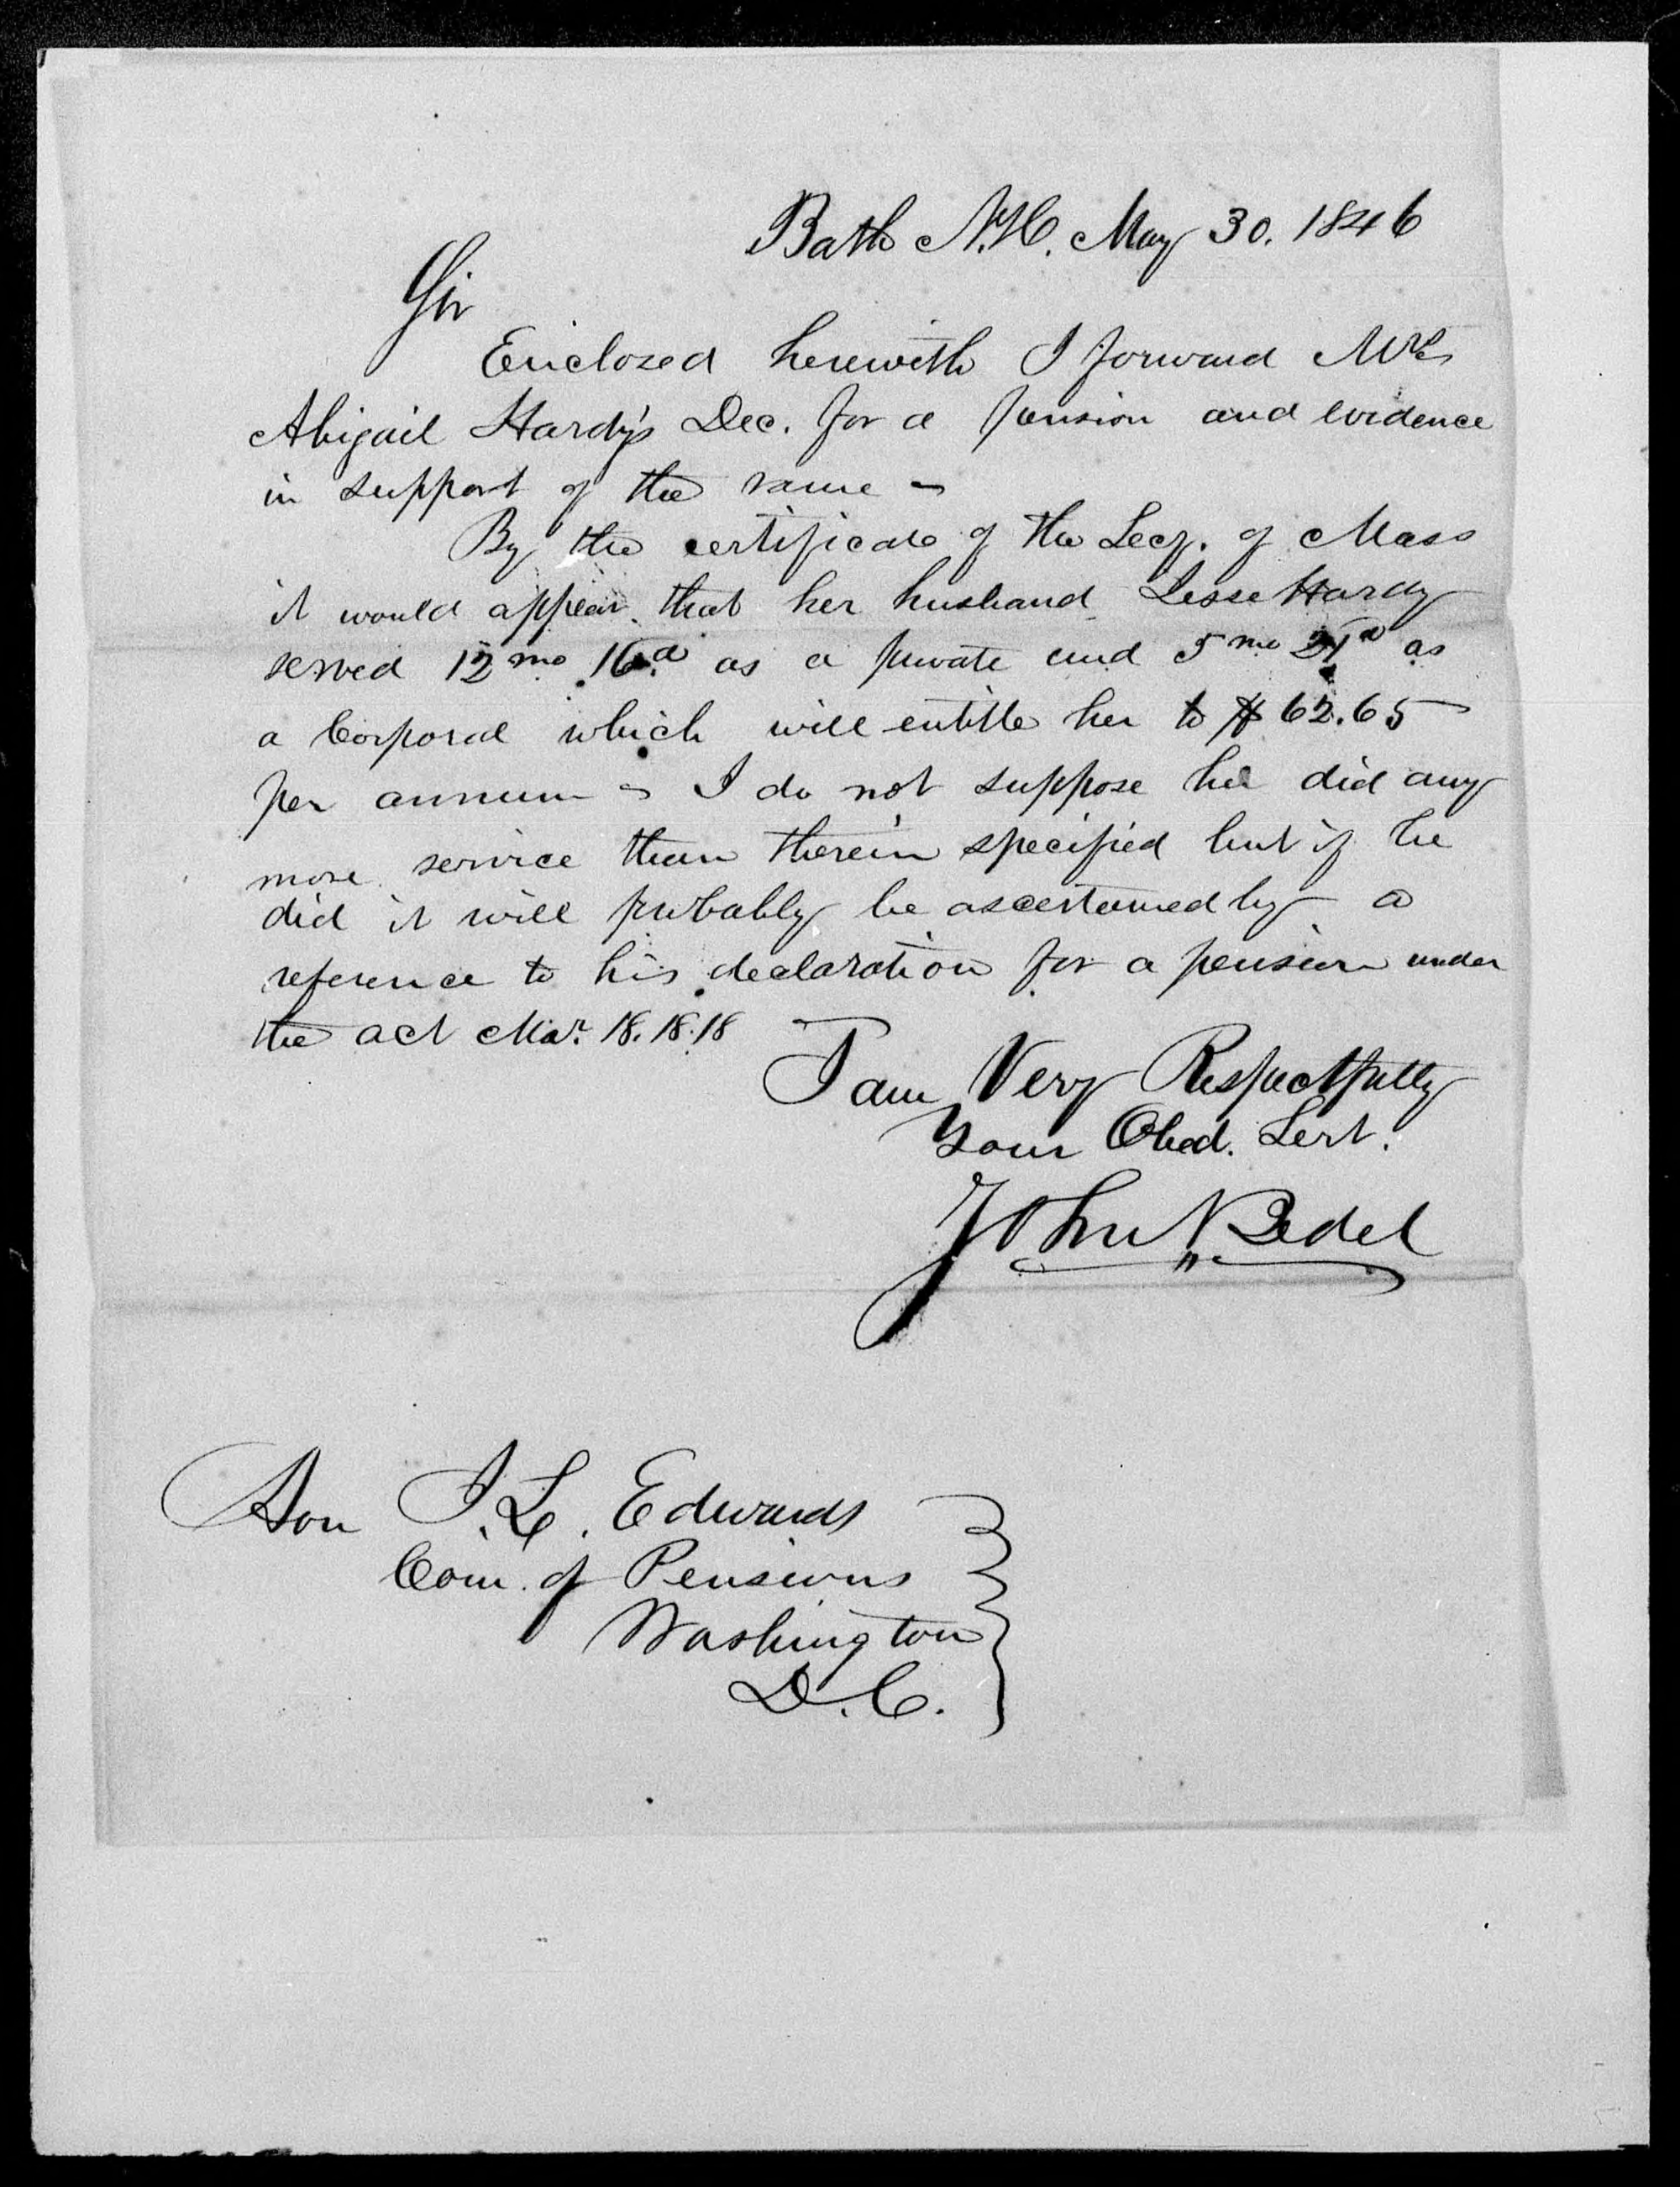Bath N.H. May 30, 1846 
Sir Enclosed herewith I forward Mrs Abigail Hardy's Dec. for a pension and evidence in support of the same - By the certificate of the Secy of Mass it would appear that her husband Jesse Hardy served 12mo 16d as a private and 5mo 2ys as a Corporal which will entitle her to $62.65 per annum. I do not suppose he did any more service than therein specified but if he did it will probably be ascertained by a reference to his declaration for a pension under the act Mar 18, 1818 I am Very Respectfully Your Obed Sert John Bedell Son J.L. Edwards Com of Pensions Washington D. C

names: Jesse Hardy, J L Edwards, Abigail Hardy, John Bedel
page: 42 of 67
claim: widow's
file: W. 23183, Jesse Hardy, Mass.